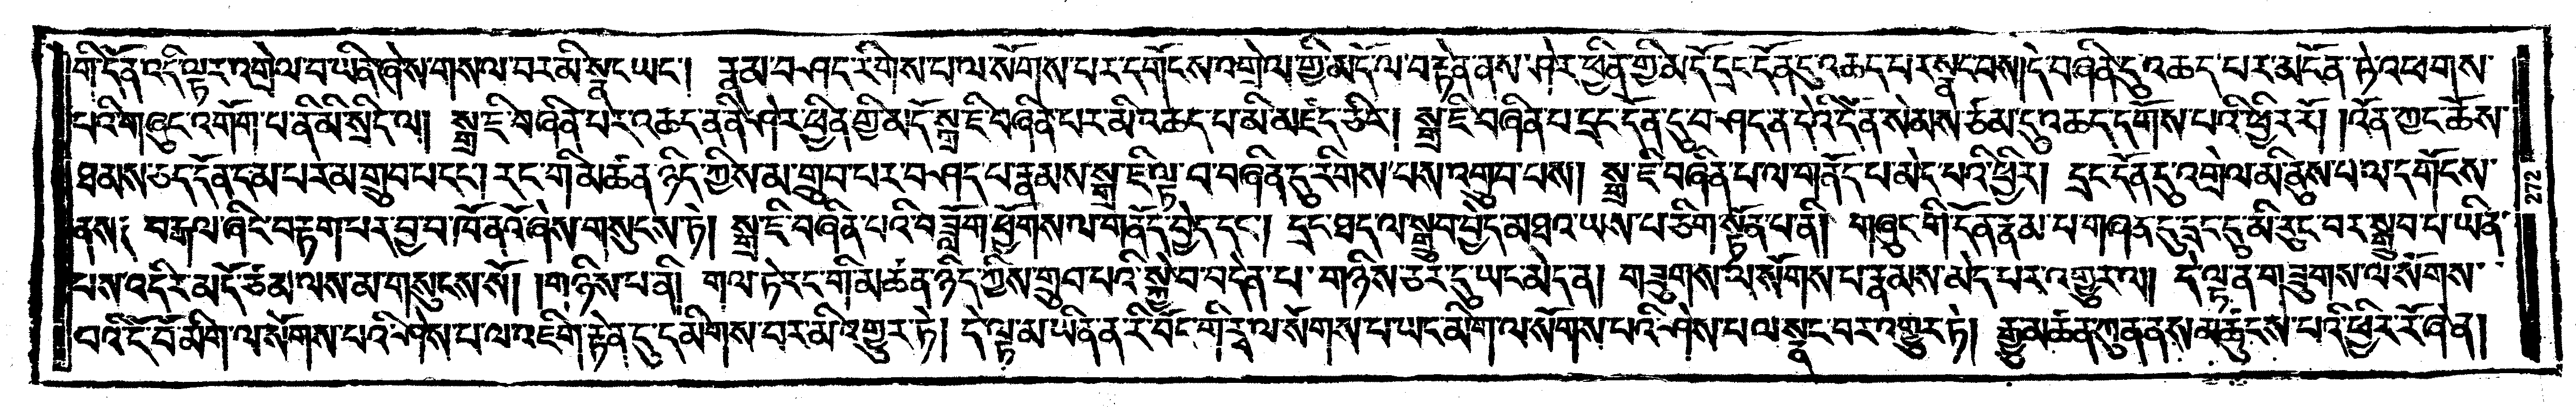གི་དོན་འདི་ལྟར་འགྲེལ་པ་ཡིན་ཞེས་གསལ་བར་མི་སྣང་ཡང་། རྣམ་བཤད་རིགས་པ་ལ་སོགས་པར་དགོངས་འགྲེལ་གྱི་མདོ་ལ་བརྟེན་ནས་ཤེར་ཕྱིན་གྱི་མདོ་དྲང་དོན་དུ་འཆད་པར་སྣང་བས། དེ་བཞིན་དུ་འཆད་པར་མངོན་ཏེ་འཕགས་
པའི་གཞུང་འགོག་པ་ནི་མི་སྲིད་ལ། སྒྲ་ཇི་བཞིན་པར་འཆད་ན་ནི་ཤེར་ཕྱིན་གྱི་མདོ་སྒྲ་ཇི་བཞིན་པར་མི་འཆད་པ་མི་མཛད་ཅིག། སྒྲ་ཇི་བཞིན་པ་དྲང་དོན་དུ་བཤད་ན་དེའི་དོན་སེམས་ཙམ་དུ་འཆད་དགོས་པའི་ཕྱིར་རོ། །འོན་ཀྱང་ཆོས་
ཐམས་ཅད་དོན་དམ་པར་མ་གྲུབ་པ་དང་། རང་གི་མཚན་ཉིད་ཀྱིས་མ་གྲུབ་པར་བཤད་པ་རྣམས་སྒྲ་ཇི་ལྟ་བ་བཞིན་དུ་རིགས་པས་འགྲུབ་པས། སྒྲ་ཇི་བཞིན་པ་ལ་གནོད་པ་མེད་པའི་ཕྱིར། དྲང་དོན་དུ་འགྲེལ་མི་ནུས་པ་ལ་དགོངས་
ནས༑ བརྒལ་ཞིང་བརྟག་པར་བྱ་བ་ཁོ་ནའོ་ཞེས་གསུངས་ཏེ། སྒྲ་ཇི་བཞིན་པའི་བཟློག་ཕྱོགས་ལ་གནོད་བྱེད་དང་། དྲང་ཐད་ལ་སྒྲུབ་བྱེད་མཐའ་ཡས་པ་ཅིག་སྟོན་པ་ནི། གཞུང་གི་དོན་རྣམ་པ་གཞན་དུ་དྲང་དུ་མི་རུང་བར་སྒྲུབ་པ་ཡིན་
པས་འདིར་མདོ་ཙམ་ལས་མ་གསུངས་སོ། །གཉིས་པ་ནི། གལ་ཏེ་རང་གི་མཚན་ཉིད་ཀྱིས་གྲུབ་པའི་སྐྱེ་བ་བདེན་ལ་གཉིས་ཅར་དུ་ཡང་མེད་ན། གཟུགས་ལ་སོགས་པ་རྣམས་མེད་པར་འགྱུར་ལ། དེ་ལྟ་ན་གཟུགས་ལ་སོགས་
པའི་ངོ་བོ་མིག་ལ་སོགས་པའི་ཤེས་པ་ལ་འཇིག་རྟེན་དུ་དམིགས་པར་མི་འགྱུར་ཏེ། དེ་ལྟ་མ་ཡིན་ན་རི་བོང་གི་རྭ་ལ་སོགས་པ་ཡང་མིག་ལ་སོགས་པའི་ཤེས་པ་ལ་སྣང་བར་འགྱུར་ཏེ། རྒྱུ་མཚན་ཀུན་ནས་མཚུངས་པའི་ཕྱིར་རོ་ཞེ་ན།